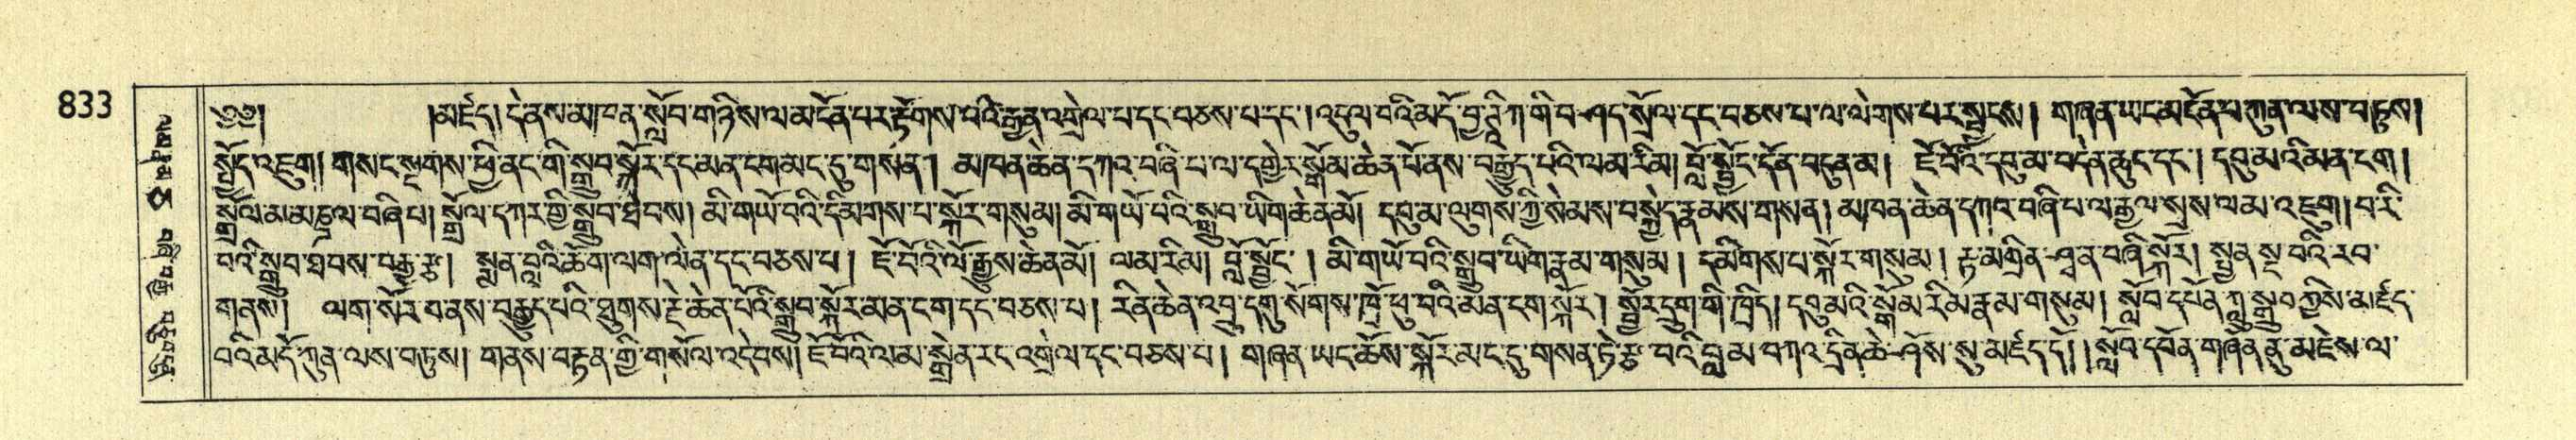༄༅། །མཛད། དེ་ནས་མཁན་སློབ་གཉིས་ལ་མངོན་པར་རྟོགས་བའི་རྒྱན་འགྲེལ་པ་དང་བཅས་པ་དང་། འདུལ་བའི་མདོ་བྱ་ཊཱིཀ་གི་བཤད་སྲོལ་དང་བཅས་པ་ལ་ལེགས་པར་སྦྱངས། གཞན་ཡང་མངོན་པ་ཀུན་ལས་བཏུས།
སྤྱོད་འཇུག། གསང་སྔགས་ཕྱི་ནང་གི་སྒྲུབ་སྐོར་དང་མན་ངག་མང་དུ་གསན། མཁན་ཆེན་དཀའ་བཞི་པ་ལ་དགྱེར་སྒོམ་ཆེན་པོ་ནས་བརྒྱུད་པའི་ལམ་རིམ། བློ་སྦྱོང་དོན་བདུན་མ། ཇོ་བོའི་དབུ་མ་བདེན་ཆུང་དང་། དབུ་མའི་མན་ངག།
སྒྲོལ་མ་མཎྜལ་བཞི་པ། སྒྲོལ་དཀར་གྱི་སྒྲུབ་ཐབས། མི་གཡོ་བའི་དམིགས་པ་སྐོར་གསུམ། མི་གཡོ་བའི་སྒྲུབ་ཡིག་ཆེན་མོ། དབུ་མ་ལུགས་ཀྱི་སེམས་བསྐྱེད་རྣམས་གསན། མཁན་ཆེན་དཀའ་བཞི་པ་ལ་རྒྱལ་སྲས་ལམ་འཇུག། བ་རི་
བའི་སྒྲུབ་ཐབས་བརྒྱ་རྩ། སྨན་བླའི་ཆོ་ག་ལག་ལེན་དང་བཅས་པ། ཇོ་བོའི་ལོ་རྒྱུས་ཆེན་མོ། ལམ་རིམ། བློ་སྦྱོང་། མི་གཡོ་བའི་སྒྲུབ་ཡིག་རྣམ་གསུམ། དམིགས་པ་སྐོར་གསུམ། རྟ་མགྲིན་ཤྭ་ན་བཞི་སྐོར། སྤྱན་སྔ་བའི་རབ་
གནས། ལག་སོར་བ་ནས་བརྒྱུད་པའི་ཐུགས་རྗེ་ཆེན་པོའི་སྒྲུབ་སྐོར་མན་ངག་དང་བཅས་པ། རིན་ཆེན་འབྲུ་དགུ་སོགས་ཁྲོ་ཕུ་བའི་མན་ངག་སྐོར། སྦྱོར་དྲུག་གི་ཁྲིད། དབུ་མའི་སྒོམ་རིམ་རྣམ་གསུམ། སློབ་དཔོན་ཀླུ་སྒྲུབ་ཀྱིས་མཛད་
བའི་མདོ་ཀུན་ལས་བཏུས། གནས་བརྟན་གྱི་གསོལ་འདེབས། ཇོ་བོའི་ལམ་སྒྲེན་རང་འགྲེལ་དང་བཅས་པ། གཞན་ཡང་ཆོས་སྐོར་མང་དུ་གསན་ཏེ་རྩ་བའི་བླ་མ་བཀའ་དྲིན་ཆེ་ཤོས་སུ་མཛད་དོ། །སློབ་དཔོན་གཞོན་ནུ་མཇེས་ལ་